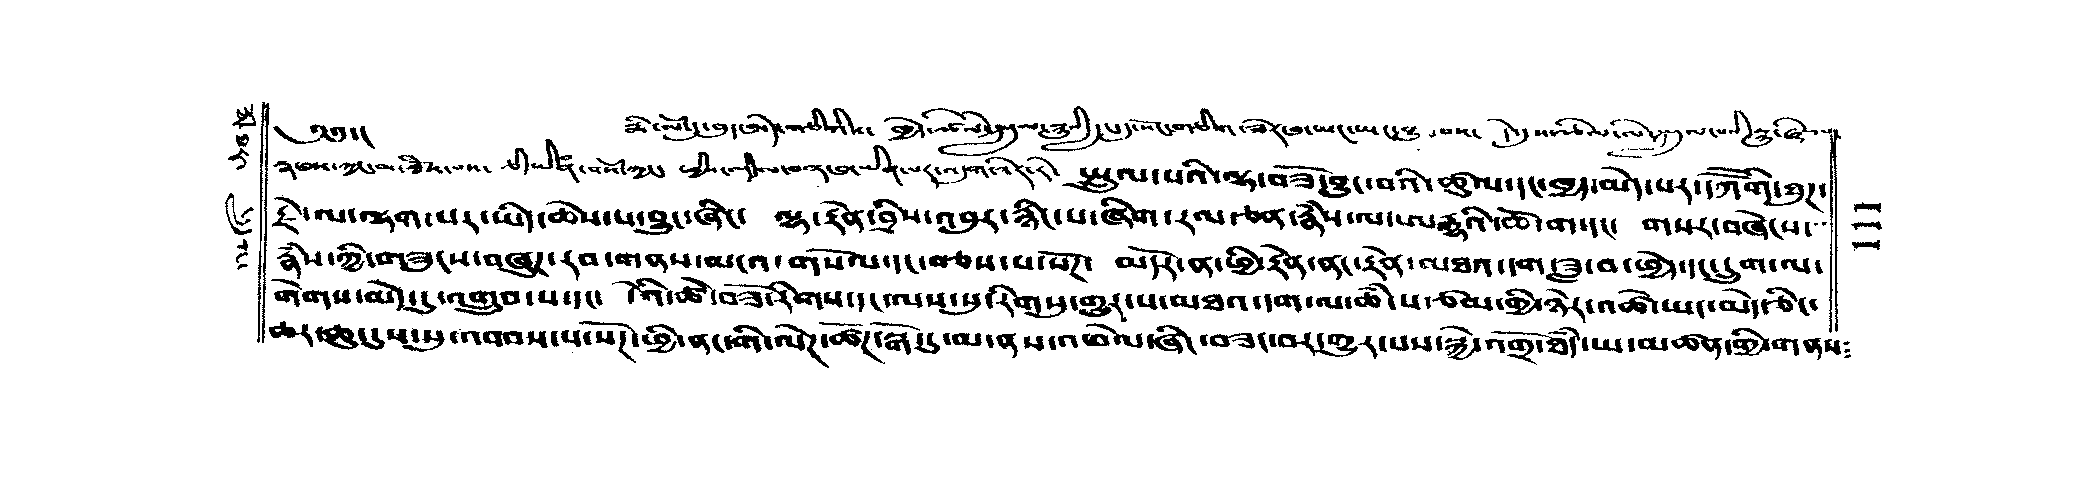སྤྲུལ་པའི་ལྷ་བཟོ་བྱུང་བའི་ཚུལ་དང་ཁྱད་མེད་པར་དཀོན་མཆོག་གི་ཐུགས་
རྗེ་ལ་ལྷག་པར་ཡིད་ཆེས་པ་བྱུང་ཞིང་། ལྷ་རྟེན་བྲིས་འབུར་རྙིང་པ་ཞིག་རལ་ཅན་རྣམས་ལ་ཨརྒྷའི་ཆོ་ག་དང་། གསར་བཞེངས་
རྣམས་ཀྱི་གཟུངས་བཞུགས་རབ་གནས་མངའ་གསོལ་དང་བཅས་པ་སོགས། མདོར་ན་ཕྱི་རྟེན་ནང་རྟེན་མཐའ་དག་ཟླ་བ་ཕྱེད་དང་དྲུག་ལ་
གེགས་མེད་དུ་གྲུབ་པ་དང་། དེའི་ཚེ་བཟོ་རིགས་དང་ལས་རིགས་སུ་གྱུར་པ་མཐའ་དག་ལ་ཆམ་པ་ཙམ་གྱི་ཉེར་འཚེ་ཡང་མེད་ཅིང་། 
ཆར་ཆུ་དུས་སུ་འབབ་པ་སོགས་ཕྱི་ནང་གི་ལེགས་ཚོགས་སྒོ་དུ་མ་ནས་འཕེལ་ཞིང་བཟང་བར་གྱུར་པས་སྐྱེ་འགྲོ་ཐམས་ཅད་ཡ་མཚན་གྱི་གནས་